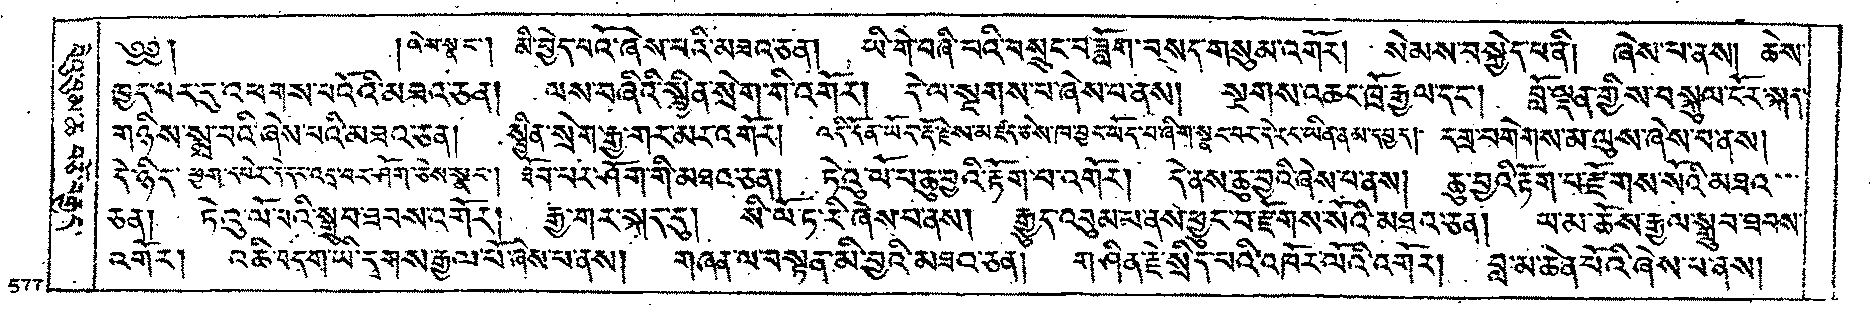༄༅། །ཞེས་སྣང་། མི་བྱེད་པའོ་ཞེས་པའི་མཐའ་ཅན། ཡི་གེ་བཞི་པའི་བསྲུང་བཟློག་བསད་གསུམ་འགོར། སེམས་བསྐྱེད་པ་ནི། ཞེས་པ་ནས། ཆེས་
ཁྱད་པར་དུ་འཕགས་པའོའི་མཐའ་ཅན། ལས་བཞིའི་སྦྱིན་སྲེག་གི་འགོར། དེ་ལ་སྔགས་པ་ཞེས་པ་ནས། སྔགས་འཆང་ཁྲོ་རྒྱལ་དང་། བློ་ལྡན་གྱིས་བསྐུལ་ངོར་སྐད་
གཉིས་སྨྲ་བའི་ཞེས་པའི་མཐའ་ཅན། སྦྱིན་སྲེག་རྒྱ་གར་མར་འགོར། འདི་དོན་ཡོད་རྡོ་རྗེས་མཛད་ཅེས་ཁ་བྱང་ཡོད་པ་ཞིག་སྣང་བར་དེ་རང་ཡིན་ནམ་དཔྱད།  དགྲ་བགེགས་མ་ལུས་ཞེས་པ་ནས།
དེ་ཉིད་ཕྱག་དཔེར་དེ་དང་འདྲ་བར་ཤོག་ཅེས་སྣང་།  ཐོབ་པར་ཤོག་གི་མཐའ་ཅན། ཏེའུ་ལོ་པ་ཆུ་བྱའི་རྟོག་པ་འགོར། དེ་ནས་ཆུ་བྱའི་ཞེས་པ་ནས། ཆུ་བྱའི་རྟོག་པ་རྫོགས་སོའི་མཐའ་
ཅན། ཏེའུ་ལོ་པའི་སྒྲུབ་ཐབས་འགོར། རྒྱ་གར་སྐད་དུ། སི་ལོ་ཏ་རི་ཞེས་པ་ནས། རྒྱུད་འབུམ་པ་ནས་ཕྱུང་བ་རྫོགས་སོའི་མཐའ་ཅན། ཡ་མ་ཆོས་རྒྱལ་སྒྲུབ་ཐབས་
འགོར། འཆི་བདག་ཡི་དྭགས་རྒྱལ་པོ་ཞེས་པ་ནས། གཞན་ལ་བསྟན་མི་བྱའི་མཐའ་ཅན། གཤིན་རྗེ་སྲིད་པའི་འཁོར་ལོའི་འགོར། བླ་མ་ཆེན་པོའི་ཞེས་པ་ནས།